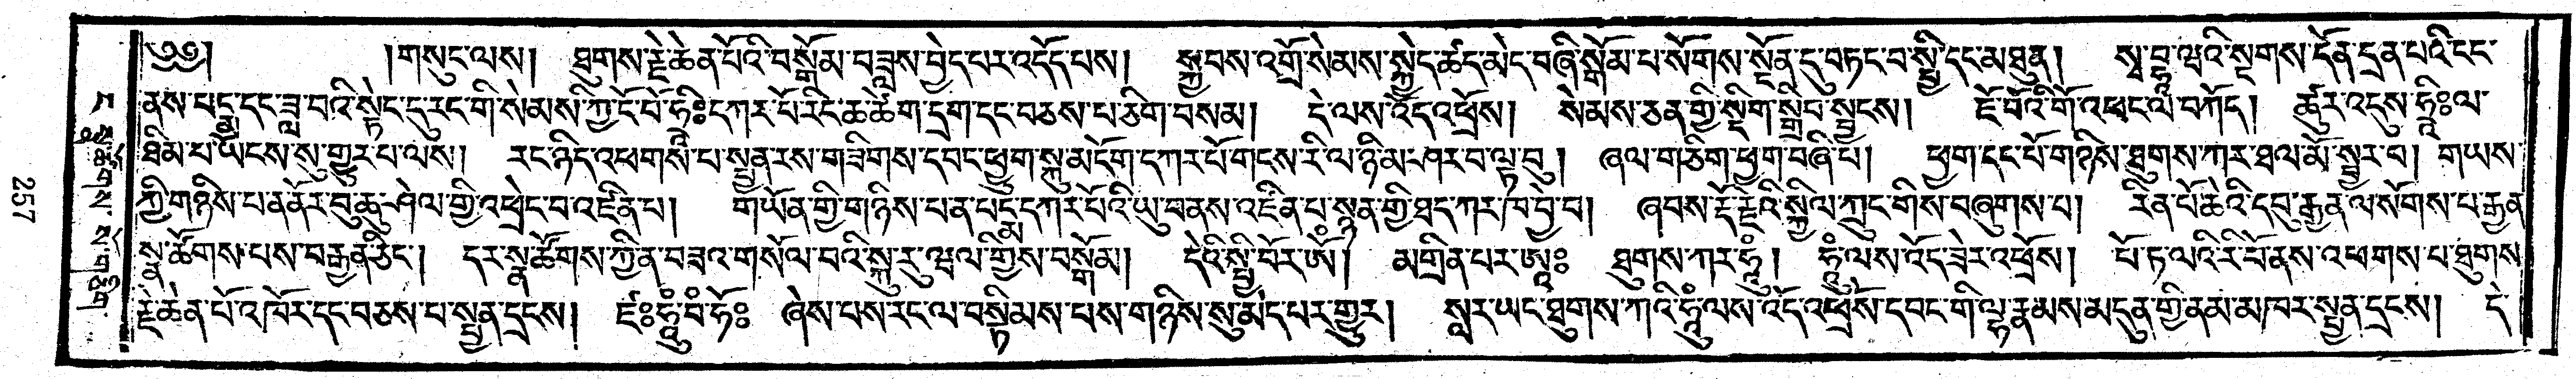༄༅། །གསུང་ལས། ཐུགས་རྗེ་ཆེན་པོའི་བསྒོམ་བཟླས་བྱེད་པར་འདོད་པས། སྐྱབས་འགྲོ་སེམས་སྐྱེད་ཚད་མེད་བཞི་སྒོམ་པ་སོགས་སྔོན་དུ་བཏང་བ་སྤྱི་དང་མཐུན། སྭ་བྷཱ་ཝའི་སྔགས་དོན་དྲན་པའི་དང་
ནས་པདམ་དང་ཟླ་བའི་སྟེང་དུ་རང་གི་སེམས་ཀྱི་ངོ་བོ་ཧྲཱིཿ དཀར་པོ་རིང་ཆ་ཚེག་དྲག་དང་བཅས་པ་ཅིག་བསམ། དེ་ལས་འོད་འཕྲོས། སེམས་ཅན་གྱི་སྡིག་སྒྲིབ་སྦྱངས། ཇོ་བོའི་གོ་འཕང་ལ་བཀོད། ཚུར་འདུས་ཧྲཱིཿ ལ་
ཐིམ་པ་ཡོངས་སུ་གྱུར་པ་ལས། རང་ཉིད་འཕགས་པ་སྤྱན་རས་གཟིགས་དབང་ཕྱུག་སྐུ་མདོག་དཀར་པོ་གངས་རི་ལ་ཉི་མ་ཤར་བ་ལྟ་བུ། ཞལ་གཅིག་ཕྱག་བཞི་པ། ཕྱག་དང་པོ་གཉིས་ཐུགས་ཀར་ཐལ་མོ་སྦྱར་བ། གཡས་
ཀྱི་གཉིས་པ་ན་ནོར་བུ་ཆུ་ཤེལ་གྱི་འཕྲེང་པ་འཛིན་པ། གཡོན་གྱི་གཉིས་པ་ན་པདམ་དཀར་པོའི་ཡུ་བ་ནས་འཛིན་པ་སྙན་གྱི་ཐད་ཀར་ཁ་བྱེ་བ། ཞབས་རྡོ་རྗེའི་སྐྱིལ་ཀྲུང་གིས་བཞུགས་པ། རིན་པོ་ཆེའི་དབུ་རྒྱན་ལ་སོགས་པ་རྒྱན་
སྣ་ཚོགས་པས་བརྒྱན་ཅིང་། དར་སྣ་ཚོགས་ཀྱི་ན་བཟའ་གསོལ་བའི་སྐུ་རུ་ཝལ་གྱིས་བསྒོམ། དེའི་སྤྱི་བོར་ཨོཾ། མགྲིན་པར་ཨཱཿ ཐུགས་ཀར་ཧཱུཾ། ཧཱུཾ་ལས་འོད་ཟེར་འཕྲོས། པོ་ཏ་ལའི་རི་པོ་ནས་འཕགས་པ་ཐུགས་
རྗེ་ཆེན་པོ་འཁོར་དང་བཅས་པ་སྤྱན་དྲངས། ཛཿ ཧཱུཾ་བམ་ཧོཿ ཞེས་པས་རང་ལ་བསྟིམས་པས་གཉིས་སུ་མེད་པར་གྱུར། སླར་ཡང་ཐུགས་ཀའི་ཧཱུཾ་ལས་འོད་འཕྲོས་དབང་གི་ལྷ་རྣམས་མདུན་གྱི་ནམ་མཁར་སྤྱན་དྲངས། དེ་